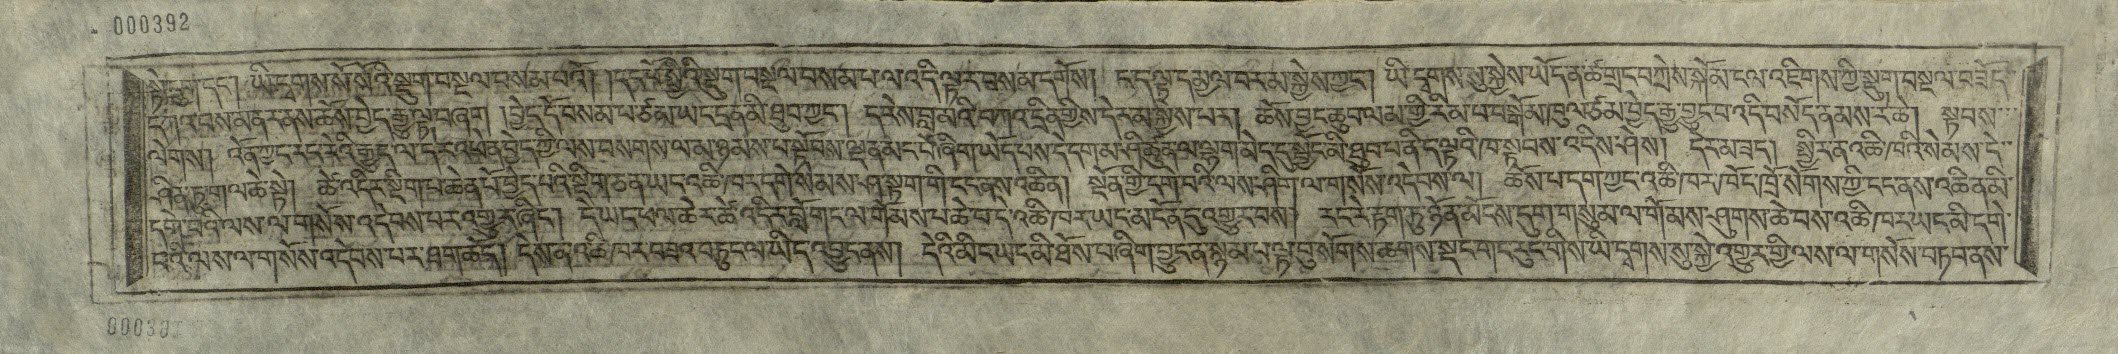སྟེ་དྲུག་དང་། ཡི་དྭགས་སོ་སོའི་སྡུག་བསྔལ་བསམ་པའོ། །དང་པོ་སྤྱིའི་སྡུག་བསྔལ་བསམ་པ་ལ་འདི་ལྟར་བསམ་དགོས། ང་ད་ལྟ་དམྱལ་བར་མ་སྐྱེས་ཀྱང་། ཡི་དྭགས་སུ་སྐྱེས་ཡོད་ན་ཚ་གྲང་བཀྲེས་སྐོམ་ངལ་འཇིགས་ཀྱི་སྡུག་བསྔལ་བཟོད་
དཀའ་བས་མནར་ནས་ཆོས་བྱེད་རྒྱུ་ལྟ་བཞག །བྱེད་དོ་བསམ་པ་ཙམ་ཡང་དྲན་མི་ཐུབ་ཀྱང་། ད་རེས་བླ་མའི་བཀའ་དྲིན་གྱིས་དེར་མ་སྐྱེས་པར། ཆོས་བྱང་ཆུབ་ལམ་གྱི་རིམ་པ་བསྒོམ་ཁུལ་ཙམ་བྱེད་རྒྱུ་བྱུང་བ་འདི་བསོད་ནམས་རེ་ཆེ། སྟབས་
ལེགས། འོན་ཀྱང་རང་རེའི་རྒྱུད་ལ་དེར་འཕེན་བྱེད་ཀྱི་ལས་བསགས་ལ་མ་ཉམས་པ་སྟོབས་ལྡན་མང་པོ་ཞིག་ཡོད་པས་དེ་དག་མ་ཤི་ཚུན་ལ་ལྷག་མེད་དུ་སྦྱོང་མི་ཐུབ་པ་ནི་ད་ལྟའི་ཁ་སྟབས་འདིས་ཤེས། དེར་མ་ཟད། སྤྱིར་ན་འཆི་ཁའི་སེམས་དེ་
ཤིན་ཏུ་གལ་ཆེ་སྟེ། ཚེ་འདིར་སྡིག་པ་ཆེན་པོ་བྱེད་པའི་སྡིག་ཅན་ཡང་འཆི་ཁར་དགེ་སེམས་ཤ་སྟག་གི་ངང་ནས་འཆི་ན། སྔོན་གྱི་དགེ་བའི་ལས་ཤིག་ལ་གསོས་འདེབས་ལ། ཆོས་པ་དག་ཀྱང་འཆི་ཁར་ཁོང་ཁྲོ་སོགས་ཀྱི་ངང་ནས་འཆི་ན་མི་
དགེ་བའི་ལས་ལ་གསོས་འདེབས་པར་འགྱུར་ཞིང་། དེ་ཡང་ཕལ་ཆེར་ཚེ་འདིར་བློ་གང་ལ་གོམས་པ་ཆེ་བ་དེ་འཆི་ཁར་ཡང་མངོན་དུ་འགྱུར་བས། རང་རེ་རྟག་ཏུ་ཉོན་མོངས་དུག་གསུམ་ལ་གོམས་ཤུགས་ཆེ་བས་འཆི་ཁར་ཡང་མི་དགེ་
བའི་ལས་ལ་གསོས་འདེབས་པར་ཐག་ཆོད། དེས་ན་འཆི་ཁར་བཟའ་བཏུང་ལ་ཡིད་འབྱུང་ནས། དེའི་མིང་ཡང་མི་ཐོས་པ་ཞིག་བྱུང་ན་སྙམ་པ་ལྟ་བུ་སོགས་ཆགས་སྡང་གང་རུང་གིས་ཡི་དྭགས་སུ་སྐྱེ་འགྱུར་གྱི་ལས་ལ་གསོས་བཏབ་ན་